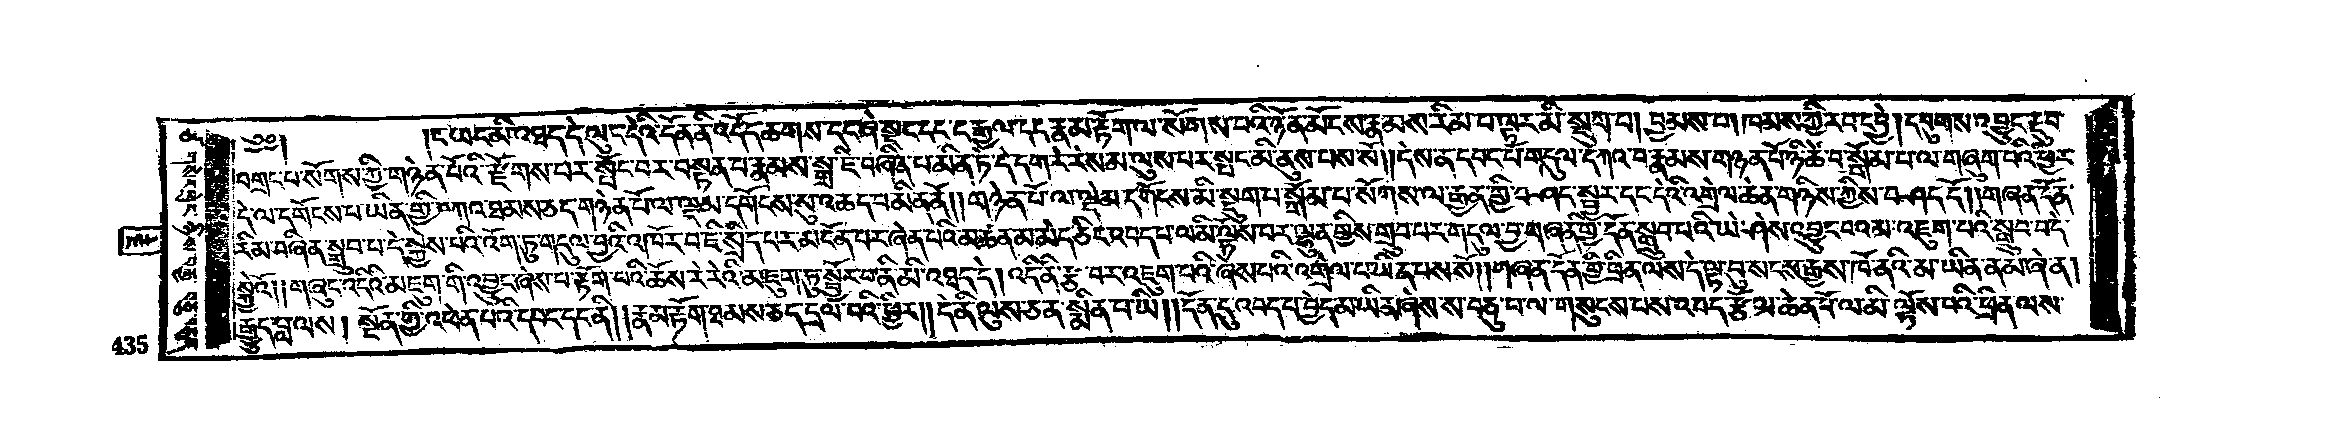༄༅། །པ་ཡང་མི་འཐད་དེ་ལུང་དེའི་དོན་ནི་འདོད་ཆགས་དང་ཞེ་སྡང་དང་ང་རྒྱལ་དང་རྣམ་རྟོག་ལ་སོགས་པའི་ཉོན་མོངས་རྣམས་རིམ་པ་ལྟར་མི་སྡུག་པ། བྱམས་པ། ཁམས་ཀྱི་རབ་དབྱེ། དབུགས་འབྱུང་རྡུབ་
བགྲང་བ་སོགས་ཀྱི་གཉེད་པོའི་རྫོགས་པར་སྤོང་བར་བསྟན་པ་རྣམས་སྒྲ་ཇི་བཞིན་པ་མིན་ཏེ་དེ་དག་རེ་རེས་མ་ལུས་པར་སྤང་མི་ནུས་པས་སོ། །དེས་ན་དབང་པོ་གདུལ་དཀའ་བ་རྣམས་གཉེན་པོ་ཉི་ཚེ་བ་སྒོམ་པ་ལ་གཞུག་པའི་ཕྱིར་
དེ་ལ་དགོངས་པ་ཡིན་གྱི་བཀའ་ཐམས་ཅད་གཉེན་པོ་ལ་ལྡམ་དགོངས་སུ་འཆད་པ་མིན་ནོ། །གཉེན་པོ་ལ་ལྡེམ་དགོངས་མི་སྡུག་པ་སྒོམ་པ་སོགས་ལ་རྒྱན་གྱི་བཤད་སྦྱར་དང་དེའི་འགྲེལ་ཆེན་གཉིས་ཀྱིས་བཤད་དོ། །གཞན་དོན་
རིམ་བཞིན་སྒྲུབ་པ་དེ་སྐྱེས་པའི་འོག་ཏུ་གདུལ་བྱའི་འཁོར་བ་ཇི་སྲིད་པར་མངོན་པར་ཞེན་པའི་མཚན་མ་མེད་ཅིང་འབད་པ་ལ་མི་ལྟོས་པར་ལྷུན་གྱིས་གྲུབ་པར་གདུལ་བྱ་གཞན་གྱི་དོན་སྒྲུབ་པའི་ཡེ་ཤེས་འབྱུང་བའམ་འཇུག་པའི་སྒྲུབ་པ་དེ་
སྐྱེའོ། །གཞུང་འདིའི་མཇུག་གི་འབྱུང་ཞེས་པ་རྟོག་པའི་ཆོས་རེ་རེའི་མཇུག་ཏུ་སྦྱོར་བ་ནི་མི་འཐད་དེ། འདི་ནི་རྩ་བར་འཇུག་པའི་ཞེས་པའི་འགྲེལ་པ་ཡིན་པས་སོ། །གཞན་དོན་གྱི་ཕྲིན་ལས་དེ་ལྟ་བུ་སངས་རྒྱས་ཁོ་ནའི་མ་ཡིན་ནམ་ཞེ་ན།
རྒྱུད་བླ་ལས། སྔོན་གྱི་འཕེན་པའི་དབང་དང་ནི། །རྣམ་རྟོག་ཐམས་ཅད་དྲལ་བའི་ཕྱིར། །དེ་ནི་ལུས་ཅན་སྨིན་པ་ཡི། །དོན་དུ་འབད་པ་བྱེད་མ་ཡིན། ཞེས་ས་བཅུ་པ་ལ་གསུངས་པས་འབད་རྩོལ་ཆེན་པོ་ལ་མི་ལྟོས་པའི་ཕྲིན་ལས་